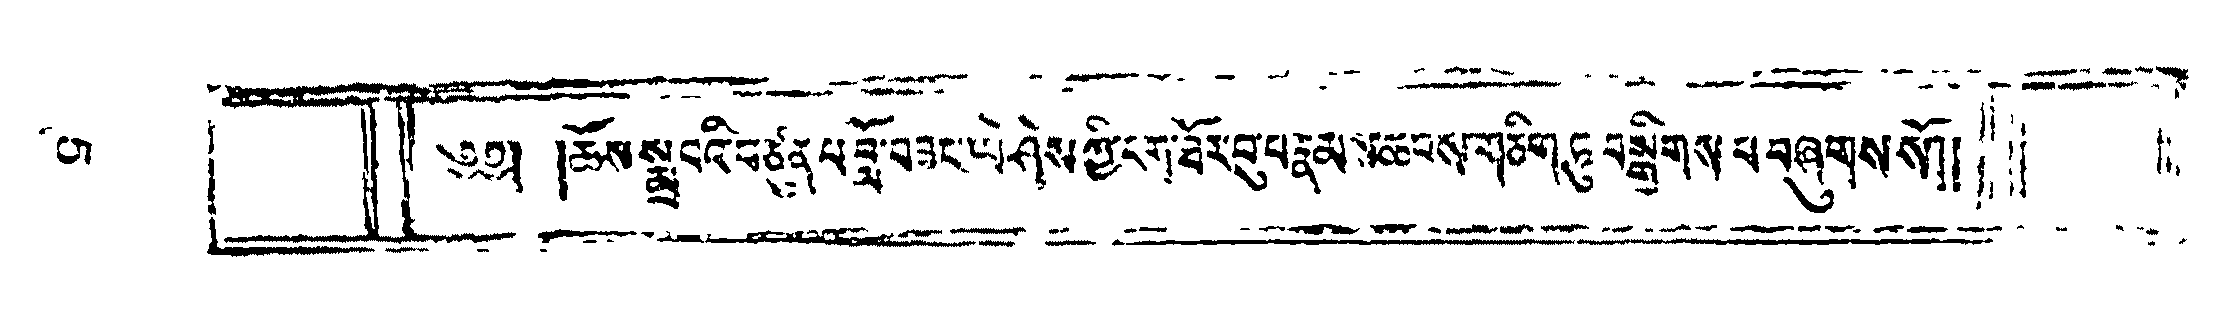༄༅། །ཆོས་སྨྲ་བའི་བཙུན་པ་བློ་བཟང་ཡེ་ཤེས་ཀྱི་ངག་ཐོར་བུ་པ་རྣམས་ཆབས་གཅིག་ཏུ་བསྒྲིགས་པ་བཞུགས་སོ།།